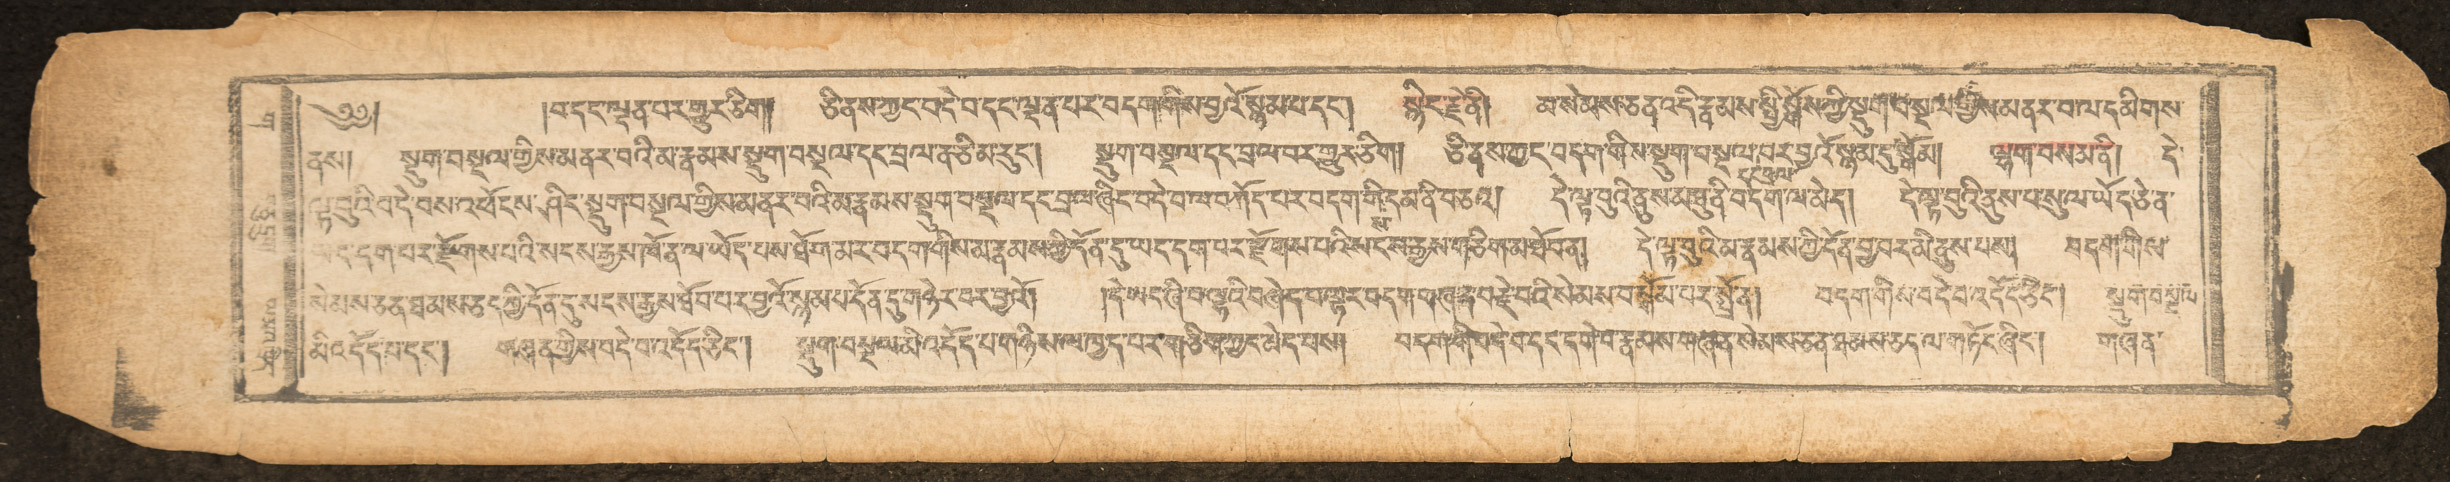༄༅། །བ་དང་ལྡན་པར་གྱུར་ཅིག། ཅི་ནས་ཀྱང་བདེ་བ་དང་ལྡན་པར་བདག་གིས་བྱའོ་སྙམ་བ་དང་། སྙིང་རྗེ་ནི། མ་སེམས་ཅན་འདི་རྣམས་?་སྒོས་ཀྱི་སྡུག་བསྔལ་གྱིས་མནར་བ་ལ་དམིགས་
ནས། སྡུག་བསྔལ་གྱིས་མནར་བའི་མ་རྣམས་སྡུག་བསྔལ་དང་བྲལ་ན་ཅི་མ་རུང་། སྡུག་བསྔལ་དང་བྲལ་བར་གྱུར་ཅིག། ཅི་ནས་ཀྱང་བདག་གིས་སྡུག་བསྔལ་དང་བྲལ་བར་བྱའོ་སྙམ་དུ་སྒོམ། ལྷག་བསམ་ནི། དེ་
ལྟ་བུའི་བདེ་བས་འཕོངས་ཤིང་སྡུག་བསྔལ་གྱིས་མནར་བའི་མ་རྣམས་སྡུག་བསྔལ་དང་བྲལ་ཞིང་བདེ་བ་ལ་བཀོད་པར་བདག་གིས་དམ་ནི་བཅའ། དེ་ལྟ་བུའི་ནུས་མཐུ་ནི་བདག་ལ་མེད། དེ་ལྟ་བུའི་ནུས་པ་སུ་ལ་ཡོད་ཅེ་ན་
ཡང་དག་པར་རྫོགས་པའི་སངས་རྒྱས་ཁོ་ན་ལ་ཡོད་པས་ཐོག་མར་བདག་གིས་མ་རྣམས་ཀྱི་དོན་དུ་ཡང་དག་པར་རྫོགས་པའི་སངས་རྒྱས་གཅིག་མ་ཐོབ་ན། དེ་ལྟ་བུའི་མ་རྣམས་ཀྱི་དོན་བྱ་བར་མི་ནུས་པས། བདག་གིས་
སེམས་ཅན་ཐམས་ཅད་ཀྱི་དོན་དུ་སངས་རྒྱས་ཐོབ་པར་བྱའོ་སྙམ་པ་དོན་དུ་གཉེར་བར་བྱའོ། །དེ་ཡང་ཞི་བ་ལྷའི་བཞེད་པ་ལྟར་བདག་གཞན་བརྗེ་བའི་སེམས་བསྒོམ་པར་སྤྲོ་ན། བདག་གིས་བདེ་བ་འདོད་ཅིང་། སྡུག་བསྔལ་
མི་འདོད་པ་དང་། གཞན་གྱིས་བདེ་བ་འདོད་ཅིང་། སྡུག་བསྔལ་མི་འདོད་པ་གཉིས་ལ་ཁྱད་པར་གཅིག་ཀྱང་མེད་པས། བདག་གི་བདེ་བ་དང་དགེ་བ་རྣམས་གཞན་སེམས་ཅན་ཐམས་ཅད་ལ་གཏོང་ཞིང་། གཞན་